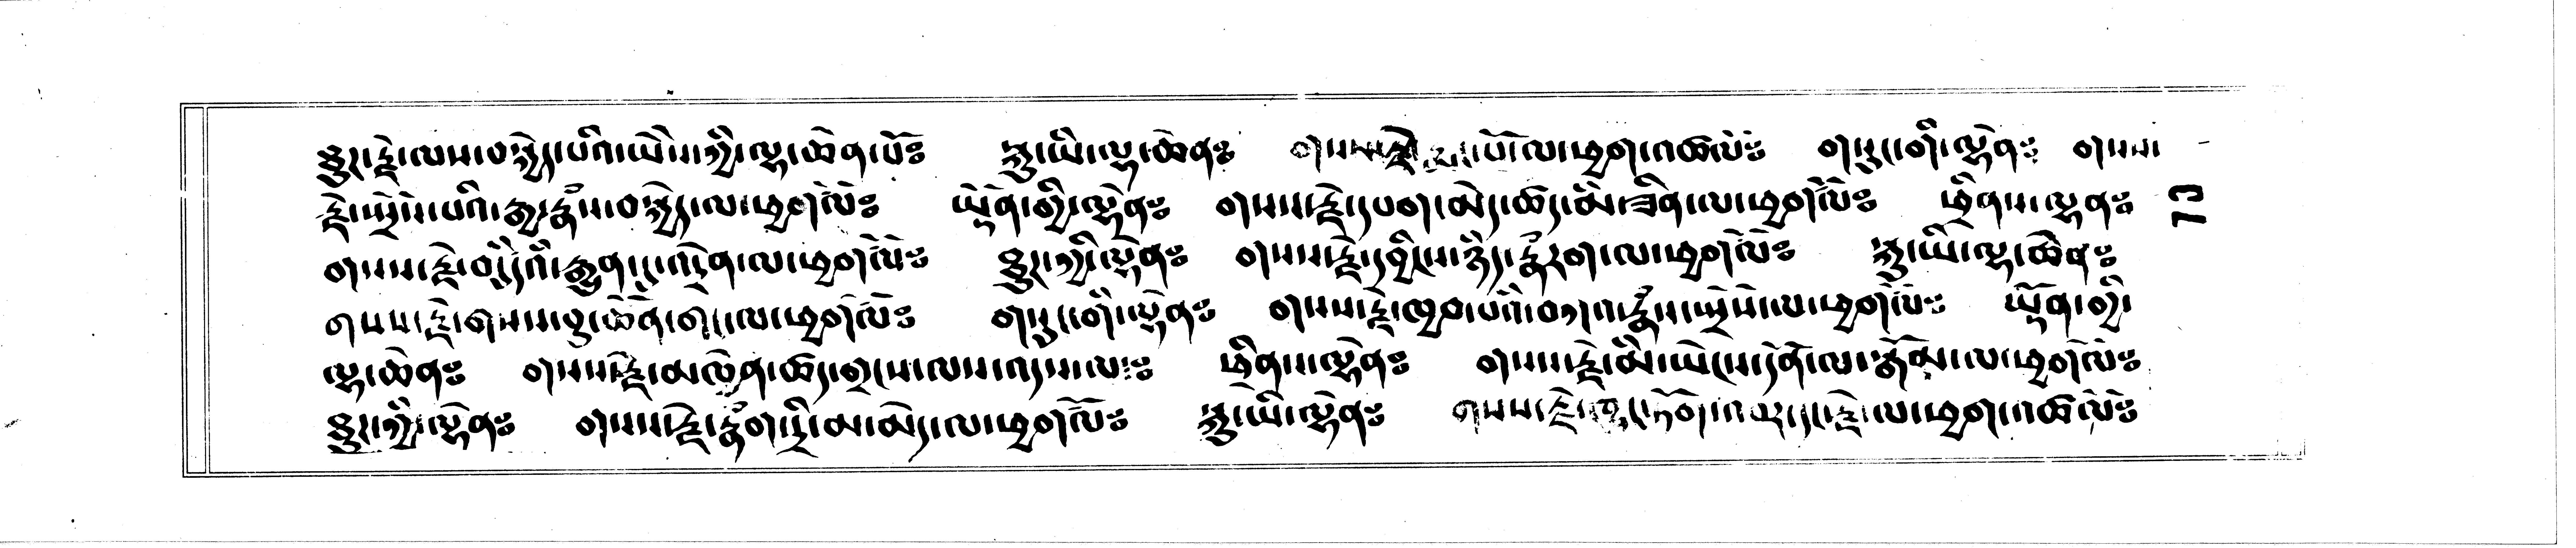ཐུགས་རྗེ་ལས་བསྐྱེད་པའི་ཡེ་ཤེས་ཀྱི་ལྷ་ཆེན་པོཿ སྐུ་ཡི་ལྷ་ཆེནཿ གསས་རྗེ་རྨང་པོ་ལ་ཕྱག་འཚལ་ལོཿ གསུང་གི་ལྷ་ཆེནཿ གསས་
རྗེ་སྤྲོས་པའི་རྒྱ་རྣམས་བསྐྱེད་ལ་ཕྱག་འཚལ་ལོཿ ཡོན་ཏན་གྱི་ལྷ་ཆེནཿ གསས་རྗེ་དཔག་མེད་ཚད་མི་ཟིན་ལ་ཕྱག་འཚལ་ལོཿ ཕྲིན་ལས་ཀྱི་ལྷ་ཆེནཿ 
གསས་རྗེ་བདུད་རྩི་རྒྱུན་དུ་འདྲེན་ལ་ཕྱག་འཚལ་ལོཿ ཐུགས་ཀྱི་ལྷ་ཆེནཿ གསས་རྗེ་དབྱིངས་ཉིད་རྣམ་པར་དག་ལ་ཕྱག་འཚལ་ལོཿ སྐུ་ཡི་ལྷ་ཆེནཿ
 གསས་རྗེ་གསས་བུ་ཚོན་གང་ལ་ཕྱག་འཚལ་ལོཿ གསུང་གི་ལྷ་ཆེནཿ གསས་རྗེ་ཁྱབ་པའི་བཀའ་རྣམས་སྤྲོས་ལ་ཕྱག་འཚལ་ལོཿ ཡོན་ཏན་གྱི་
ལྷ་ཆེནཿ གསས་རྗེ་མཁྱེན་ཚད་གྲངས་ལས་འདས་ལ་ཕྱག་འཚལ་ལོཿ ཕྲིན་ལས་ཀྱི་ལྷ་ཆེནཿ གསས་རྗེ་མི་ཡེངས་དོན་ལ་བསྒོམ་ལ་ཕྱག་འཚལ་ལོཿ 
ཐུགས་ཀྱི་ལྷ་ཆེནཿ གསས་རྗེ་རྣམ་དག་དྲི་མ་མེད་ལ་ཕྱག་འཚལ་ལོཿ སྐུ་ཡི་ལྷ་ཆེནཿ གསས་རྗེ་ཁྱུང་ཐོག་འབར་དང་རྗེ་ལ་ཕྱག་འཚལ་ལོཿ